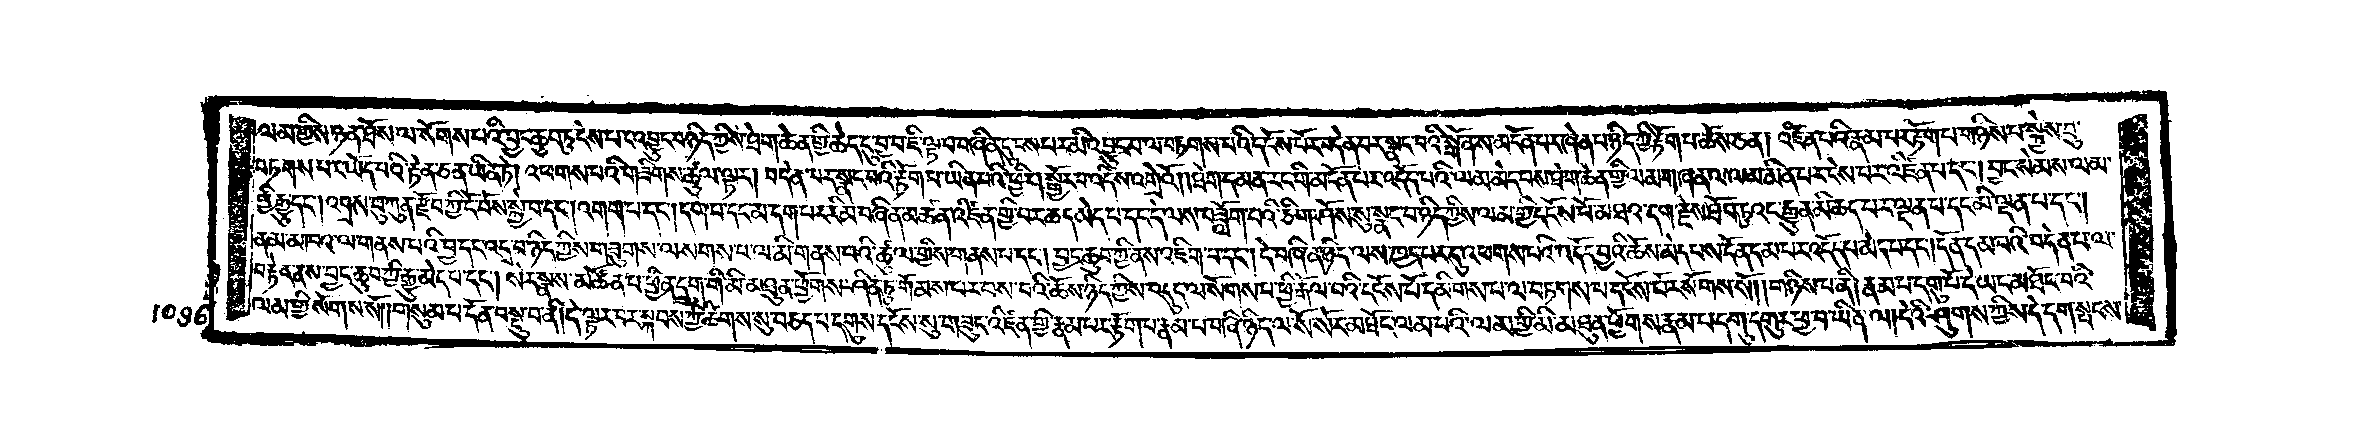ལམ་གྱིས་ཉན་ཐོས་ལ་སོགས་པའི་བྱང་ཆུབ་ཏུ་ངེས་པར་འབྱུང་བ་ཉིད་ཀྱིས་ཐེག་ཆེན་གྱི་ཆེད་དུ་བྱ་བ་ཇི་ལྟ་བ་བཞིན་དུ་ངས་པར་མི་འབྱུང་བ་ལ་བཏགས་པའི་དངོས་པོར་བདེན་པར་སྣང་བའི་སྒོ་ནས་མངོན་པར་ཞེན་པ་ཉིད་ཀྱི་རྟོག་པ་ཆོས་ཅན། འཛིན་པའི་རྣམ་པར་རྟོག་པ་གཉིས་པ་སྐྱེས་བུ་
བཏགས་པར་ཡོད་པའི་རྟེན་ཅན་ཡིན་ཏེ། འཕགས་པའི་གཟིགས་ཚུལ་ལྟར། བདེན་པར་སྣང་བའི་རྟོག་པ་ཡིན་པའི་ཕྱིར། སྦྱོར་བ་འདིས་འགྲེའོ། །ཐེག་དམན་རང་གི་མངོན་པར་འདོད་པའི་ལམ་མེད་པས་ཐེག་ཆེན་གྱི་ལམ་གཞན་ལ་ལམ་མིན་པར་ངེས་པར་འཛིན་པ་དང་། བྱང་སེམས་ལམ་
གྱི་རྒྱུ་དང་། འབྲས་བུ་ཀུན་རྫོབ་ཀྱི་ངོ་བོས་སྐྱེ་བ་དང་། འགག་པ་དང་། དག་པ་དང་མ་དག་པར་རིམ་བཞིན་མཚན་འཛིན་གྱི་བར་ཆད་མེད་པ་དང་དེ་ལས་བཟློག་པའི་ཅིག་ཤོས་སུ་སྣང་བ་ཉིད་ཀྱིས་ལམ་གྱི་དངོས་པོ་མཐའ་དག་རྗེས་ཐོབ་ཏུའང་རྒྱུན་མི་ཆད་པར་ལྡན་པ་དང་མི་ལྡན་པ་དང་།
ནམ་མཁའ་ལ་གནས་པའི་བྱ་དང་འདྲ་བ་ཉིད་ཀྱིས་གཟུགས་ལ་སོགས་པ་ལ་མི་གནས་པའི་ཚུལ་གྱིས་གནས་པ་དང་། བྱང་ཆུབ་ཀྱི་ནས་འཇིག་པ་དང་། དེ་བཞིན་ཉིད་ལས་ཁྱད་པར་དུ་འཕགས་པའི་འདོད་བྱའི་ཆོས་མེད་པས་དོན་དམ་པར་འདོད་པ་མེད་པ་དང་། དོན་དམ་པའི་བདེན་པ་ལ་
བརྟེན་ནས་བྱང་ཆུབ་ཀྱི་རྒྱུ་མེད་པ་དང་། སེར་སྣས་མཚོན་པ་ཕྱིན་དྲུག་གི་མི་མཐུན་ཕྱོགས་ཤིན་ཏུ་གོམས་པར་བྱས་པའི་ཆོས་ཉིད་ཀྱིས་འདུད་ལ་སོགས་པ་ཕྱི་རྒོལ་བའི་དངོས་པོ་དམིགས་པ་ལ་བཏགས་པ་དངོས་པོར་སོགས་སོ། །གཉིས་པ་ནི། རྣམ་པ་དགུ་པོ་དེ་ཡང་མཐོང་བའི་
ལམ་གྱི་སོགས་སོ། །གསུམ་པ་དོན་བསྡུ་བ་ནི། དེ་ལྟར་བར་སྐབས་ཀྱི་ཚིགས་སུ་བཅད་པ་དགུས་དངོས་སུ་གཟུང་འཛིན་གྱི་རྣམ་པར་རྟོག་པ་རྣམ་པ་བཞི་ཉིད་ལ་སོ་སོར་མཐོང་ལམ་པའི་ལམ་གྱི་མི་མཐུན་ཕྱོགས་རྣམ་པ་དགུ་དགུར་ཕྱེ་བ་ཡིན་ལ། དེའི་ཤུགས་ཀྱིས་དེ་དག་སྤངས་